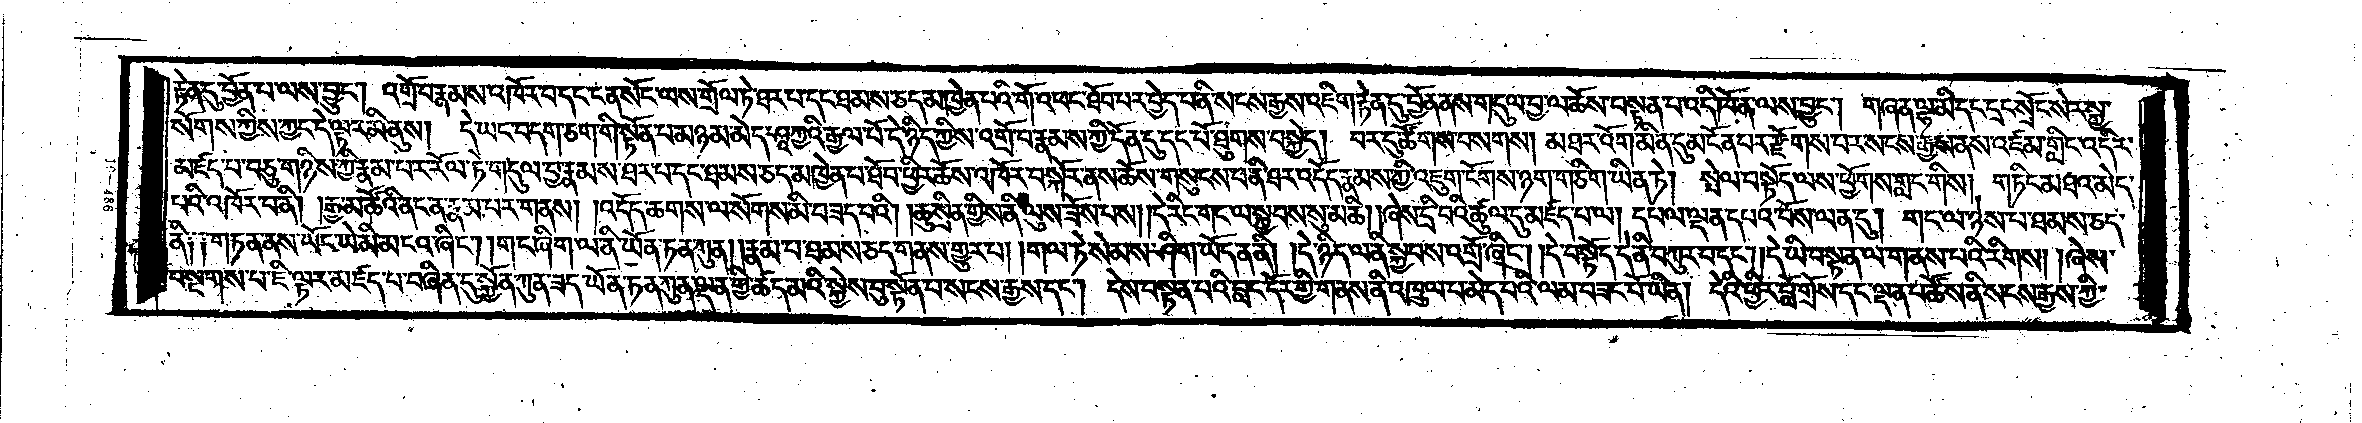རྟེན་དུ་བྱོན་པ་ལས་བྱུང་། འགྲོ་བ་རྣམས་འཁོར་བ་དང་ངན་སོང་ལས་གྲོལ་ཏེ་ཐར་པ་དང་ཐམས་ཅད་མཁྱེན་པའི་གོ་འཕང་ཐོབ་པར་བྱེད་པ་ནི་སངས་རྒྱས་འཇིག་རྟེན་དུ་བྱོན་ནས་གདུལ་བྱ་ལ་ཆོས་བསྟན་པ་འདི་ཁོ་ན་ལས་བྱུང་། གཞན་ལྷ་མི་དང་དྲང་སྲོང་སེར་སྐྱ་
སོགས་ཀྱིས་ཀྱང་དེ་ལྟར་མི་ནུས། དེ་ཡང་བདག་ཅག་གི་སྟོན་པ་མཉམ་མེད་ཤཱཀྱའི་རྒྱལ་པོ་དེ་ཉིད་ཀྱིས་འགྲོ་བ་རྣམས་ཀྱི་དོན་དུ་དང་པོ་ཐུགས་བསྐྱེད། བར་དུ་ཚོགས་བསགས། མཐར་འོག་མིན་དུ་མངོན་པར་རྫོགས་པར་སངས་རྒྱས་ནས་འཛམ་གླིང་འདིར་
མཛད་པ་བཅུ་གཉིས་ཀྱི་རྣམ་པར་རོལ་ཏེ་གདུལ་བྱ་རྣམས་ཐར་པ་དང་ཐམས་ཅད་མཁྱེན་པ་ཐོབ་ཕྱིར་ཆོས་འཁོར་བསྐོར་ནས་ཆོས་གསུངས་པ་ནི་ཐར་འདོད་རྣམས་ཀྱི་འཇུག་དོགས་ཉག་གཅིག་ཡིན་ཏེ། སྤེལ་བསྟོང་ལས་ཕྱོགས་གླང་གིས། གཏིང་མཐའ་མེད་
པའི་འཁོར་བ་ནི། །རྒྱ་མཚོའི་ནང་ན་རྣམ་པར་གནས། །འདོད་ཆགས་ལ་སོགས་མི་བཟད་པའི། །ཆུ་སྲིན་གྱིས་ནི་ལུས་ཟོས་པས། །དེ་རིང་གང་ལ་སྐྱབས་སུ་མཆི། །ཞེས་དྲི་བའི་ཚུལ་དུ་མཛད་པ་ལ། དཔལ་ལྡན་དཔའ་བོས་ལན་དུ། གང་ལ་ཉེས་པ་ཐམས་ཅད་
ནི༑ ༑གཏན་ནས་ཡོང་ཡེ་མི་མངའ་ཞིང་། །གང་ཞིག་ལ་ནི་ཡོན་ཏན་ཀུན། །རྣམ་པ་ཐམས་ཅད་གནས་གྱུར་པ། །གལ་ཏེ་སེམས་ཤིག་ཡོད་ན་ནི། །དེ་ཉིད་ལ་ནི་སྐྱབས་འགྲོ་ཞིང་། །དེ་བསྟོད་དེ་ནི་བཀུར་བ་དང་། །དེ་ཡི་བསྟན་ལ་གནས་པའི་རིགས། །ཞེས་
བསྔགས་པ་ཇི་ལྟར་མཛད་པ་བཞིན་དུ་སྐྱོན་ཀུན་ཟད་ཡོན་ཏན་ཀུན་ལྡན་གྱི་ཚད་མའི་སྐྱེས་བུ་སྟོན་པ་སངས་རྒྱས་དང་། དེས་བསྟན་པའི་བླང་དོར་གྱི་གནས་ནི་འཁྲུལ་པ་མེད་པའི་ལམ་བཟང་པོ་ཡིན། དེའི་ཕྱིར་བློ་གྲོས་དང་ལྡན་པ་ཚོས་ནི་སངས་རྒྱས་ཀྱི་